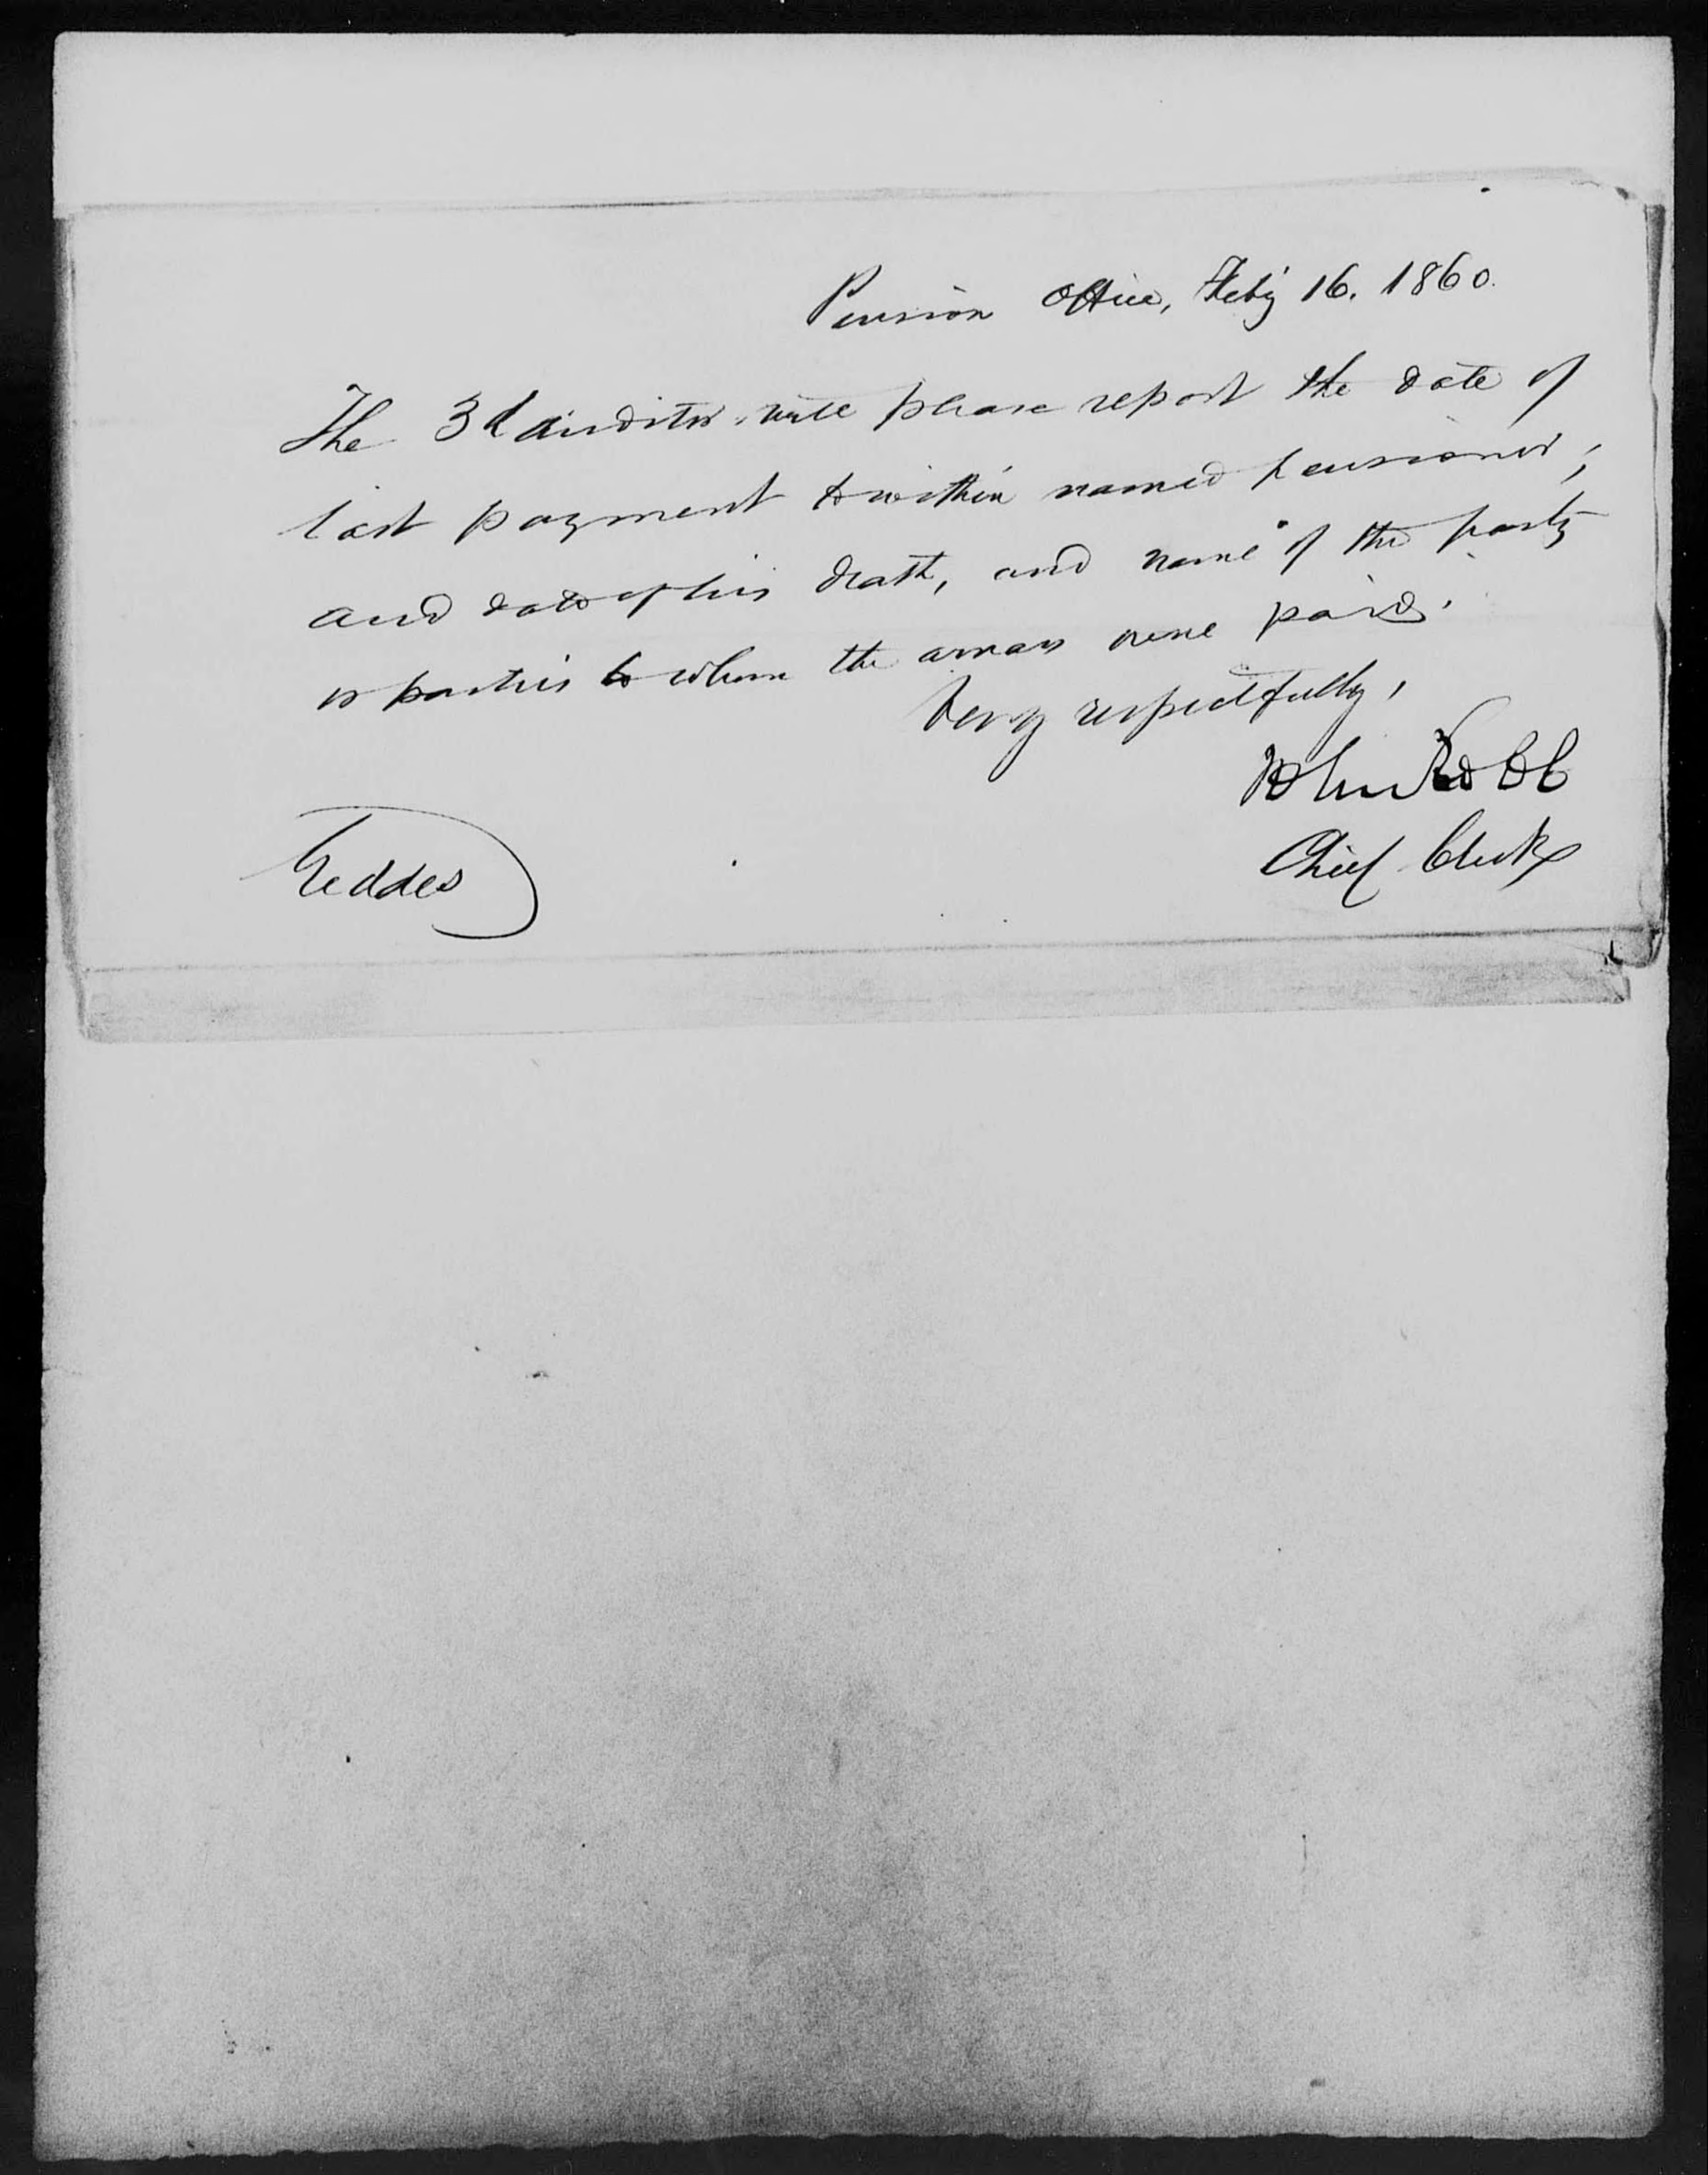[handwritten note]
Pension Office, Feby'16, 1860
The [illegible] will please report the date of last payment to within named pensioner, and date of his death, and name of the party or parties to whom the amass was paid.
Very respectfully, John Robb Chief [illegible]
Theddes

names: John Robb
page: 36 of 49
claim: survivor's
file: S. 12755, George Dent, Md.